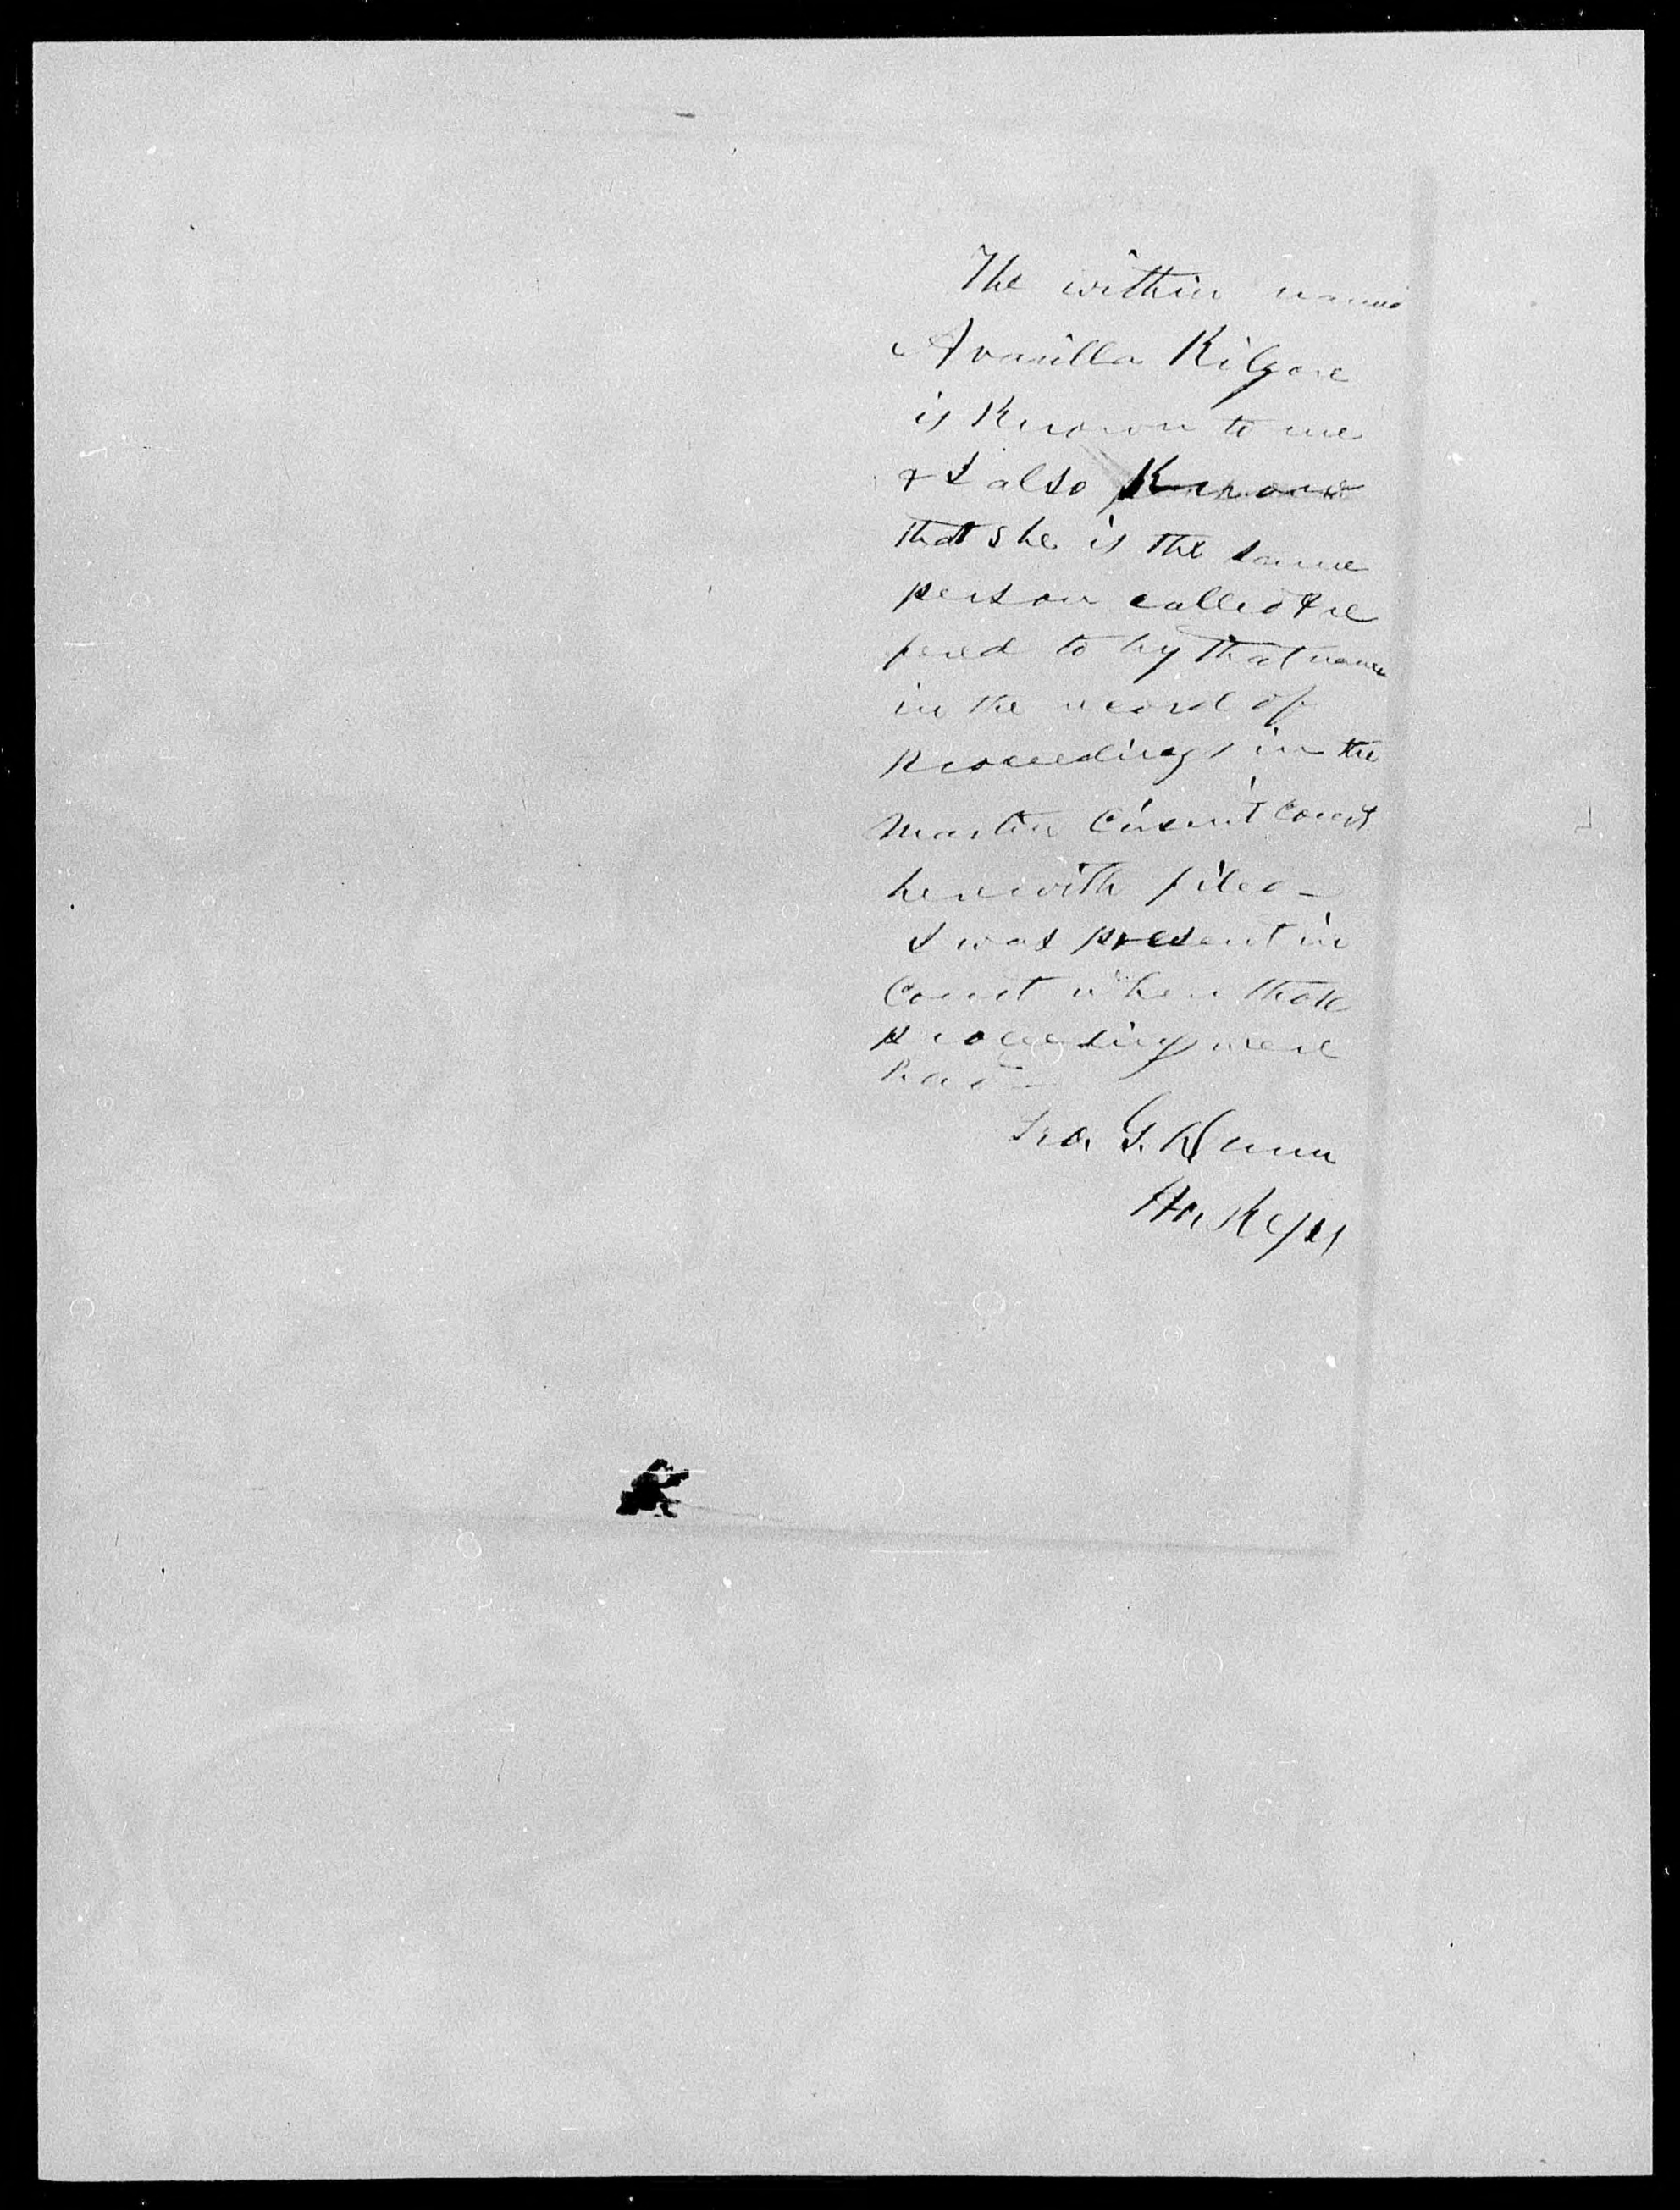The within named Avarilla Kilgore is known to me & I also know that she is the same person called & refered to by that name proceedings in the Martin Circuit Court herewith filed.
I was present in Court when those proceedings were had.
Geo. G. Dunn
Ho. Reps.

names: Avarilla Kilgore; Geo G Dunn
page: 88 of 115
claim: survivor's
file: S. 699, for Charles Kilgore, Virginia